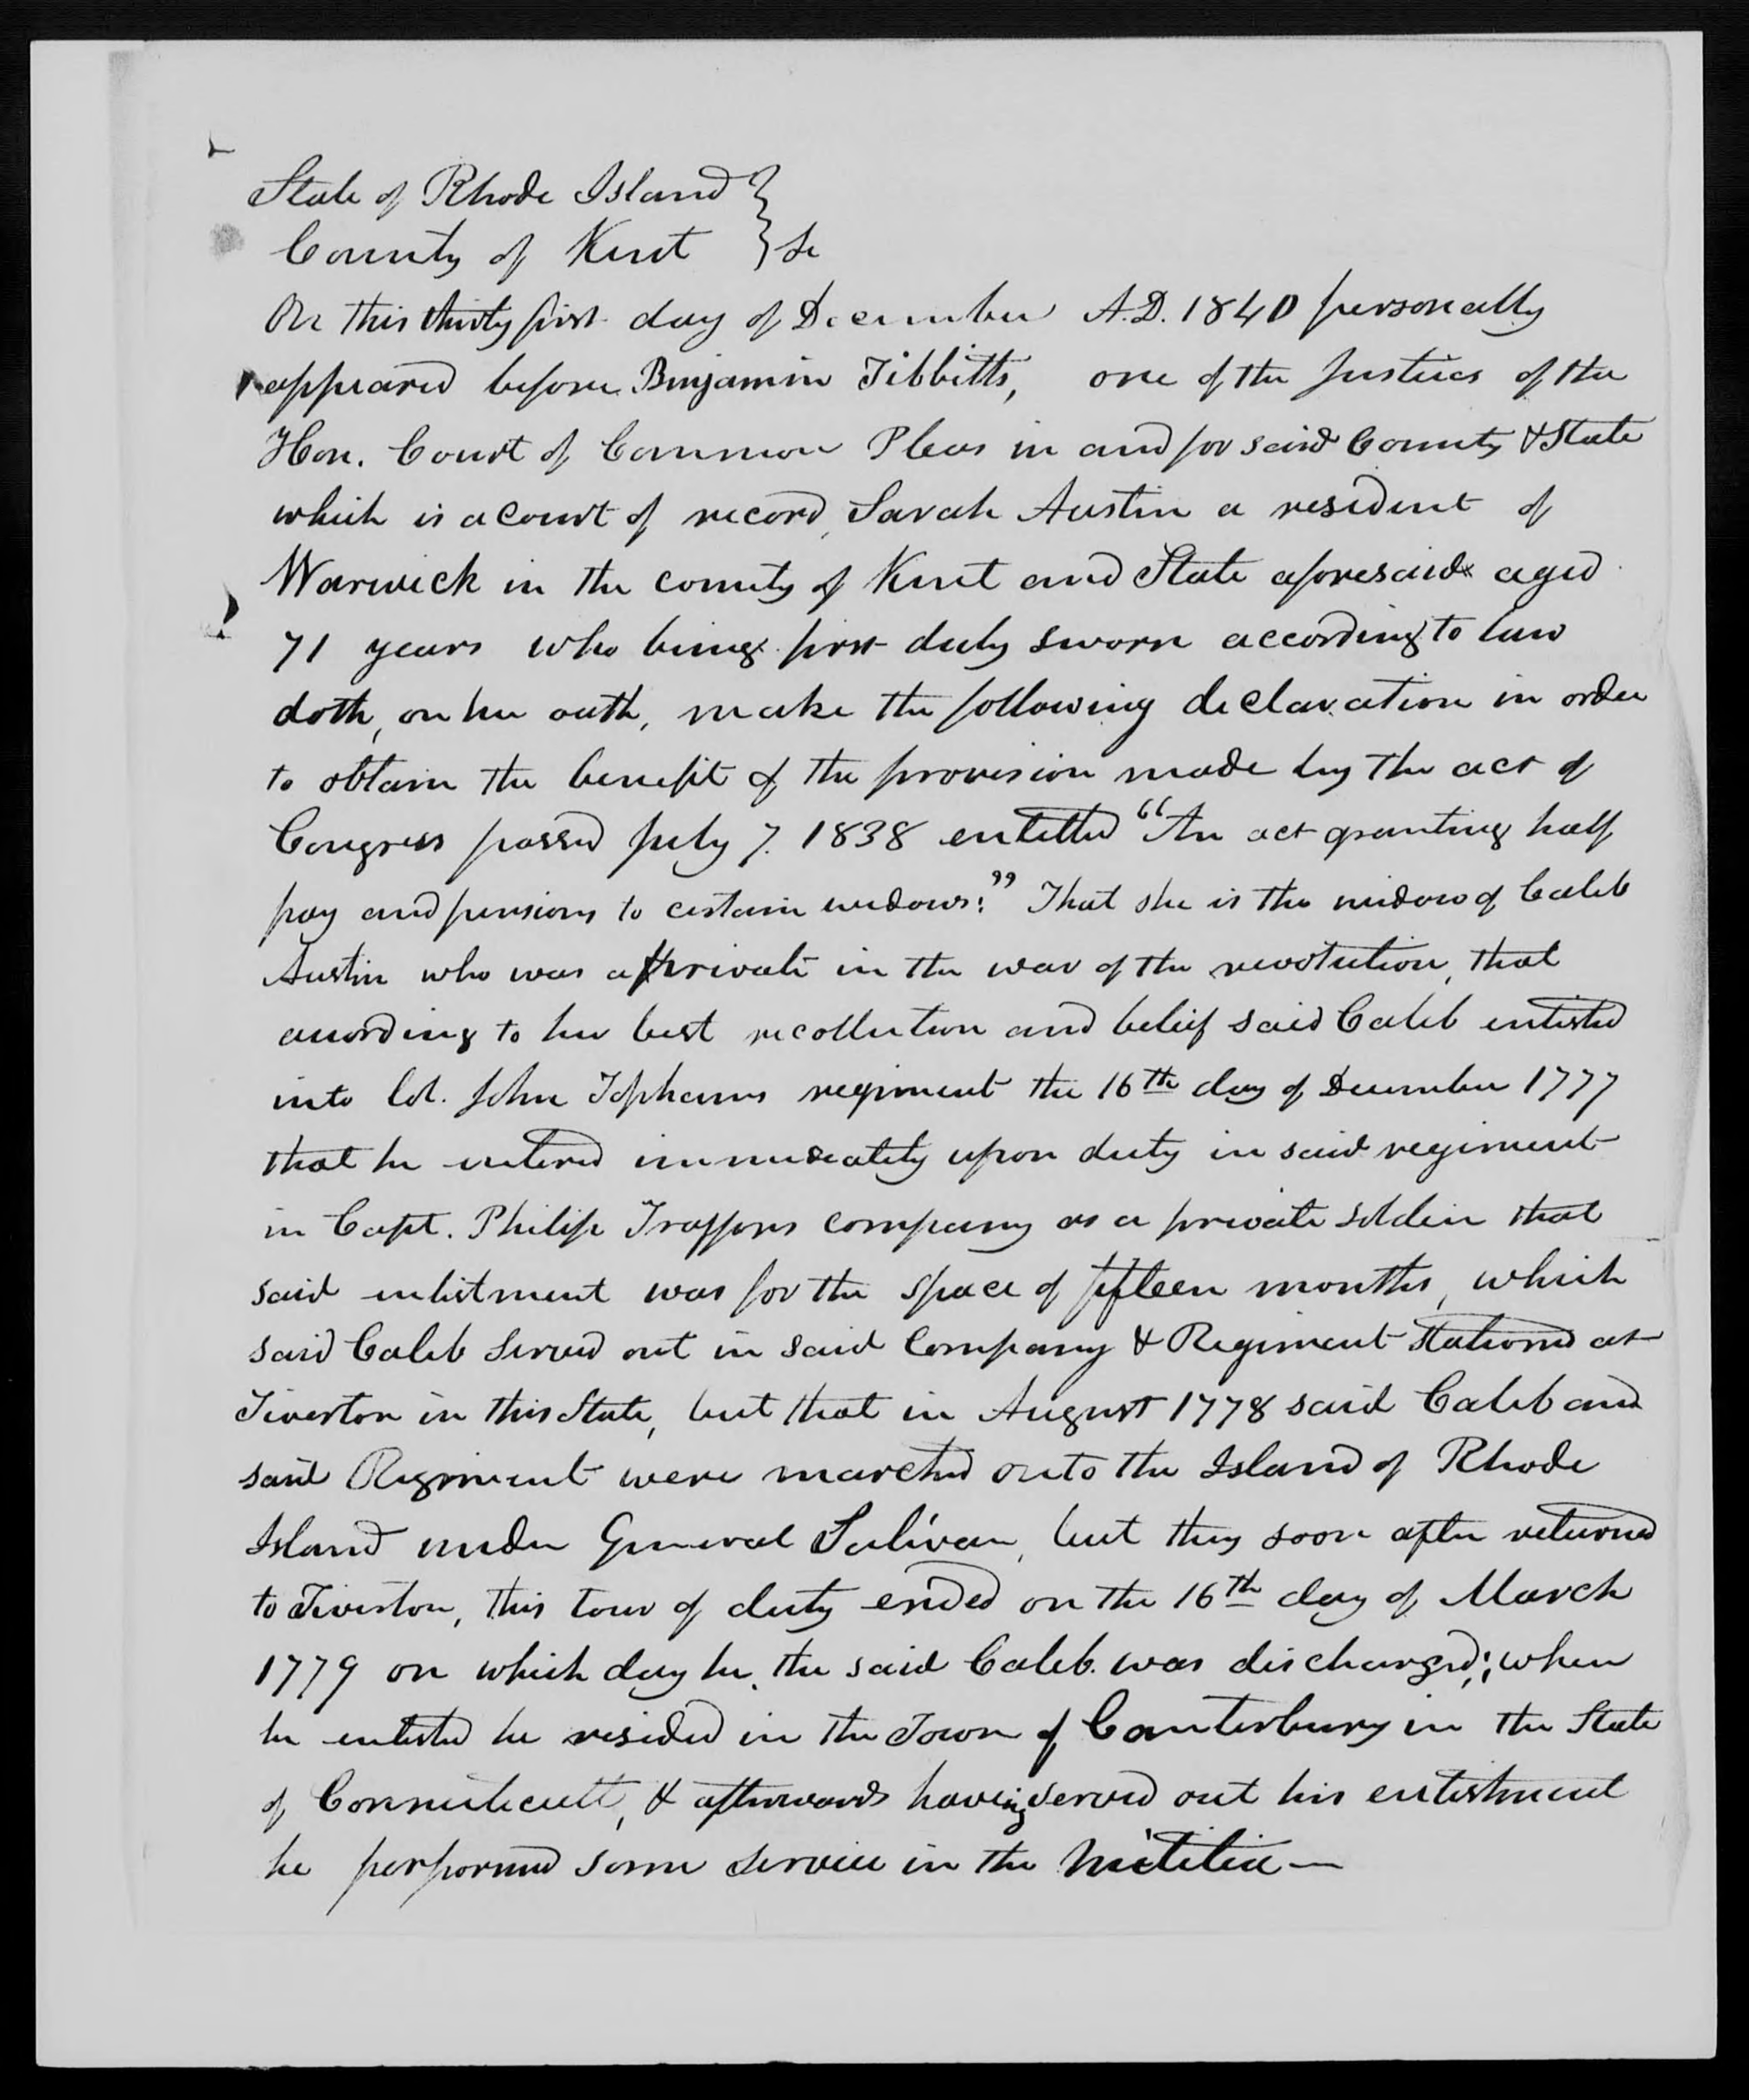STate of Rhode Island
County of Kent
On this thirty-first day of December AD 1840 personally appeared befoe Benjamin Tibbetts, one of the Justices of the Court of Common Pleas which is sa count of record  Sarah Austin a resident of Warwick in the county of Kent and state aforesaid aged 71 years who being first duly sworn according to law doth on her oath make the following declaration in order to obtain the benefit of the proviisn made by the  Act of Congress passed July7 1838 entitled "The Act granting half pay and pensions to certain widows"
That she is the widow of Caleb Austin who was a private in the War of the Revolution, that according to her best recollection and belief said Caleb enslist into Col Joh Trafton' s regiment the 16th day of December 1777 that he entered immediately upon duty in said regiment in Capt. Philips Trafton's company as a private soldier that said enlistment was or the space of fifteen months, which said Caleb served out in said Company & Regiment stationed at Tiverton in this state, but that  in August 1778 said Caleb and said regiment were marcch onto the Island of RHode Island under General Sullivam, but they soon afte returned to Tiverton this tour of duty ended on the 16th day of MArch 1779, on which day the said Caleb was discharged, when he enliste, he resided in the town of Canterbury in the State of Connecticut, and afterwards having served out his enlistment her performed some service in the Militia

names: Benjamin Tibbitts, Caleb, Caleb Austin, Sulivan, Caleb, Sarah Austin, Caleb, Caleb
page: 5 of 18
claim: widow's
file: W. 20640, Caleb Austin, R.I.